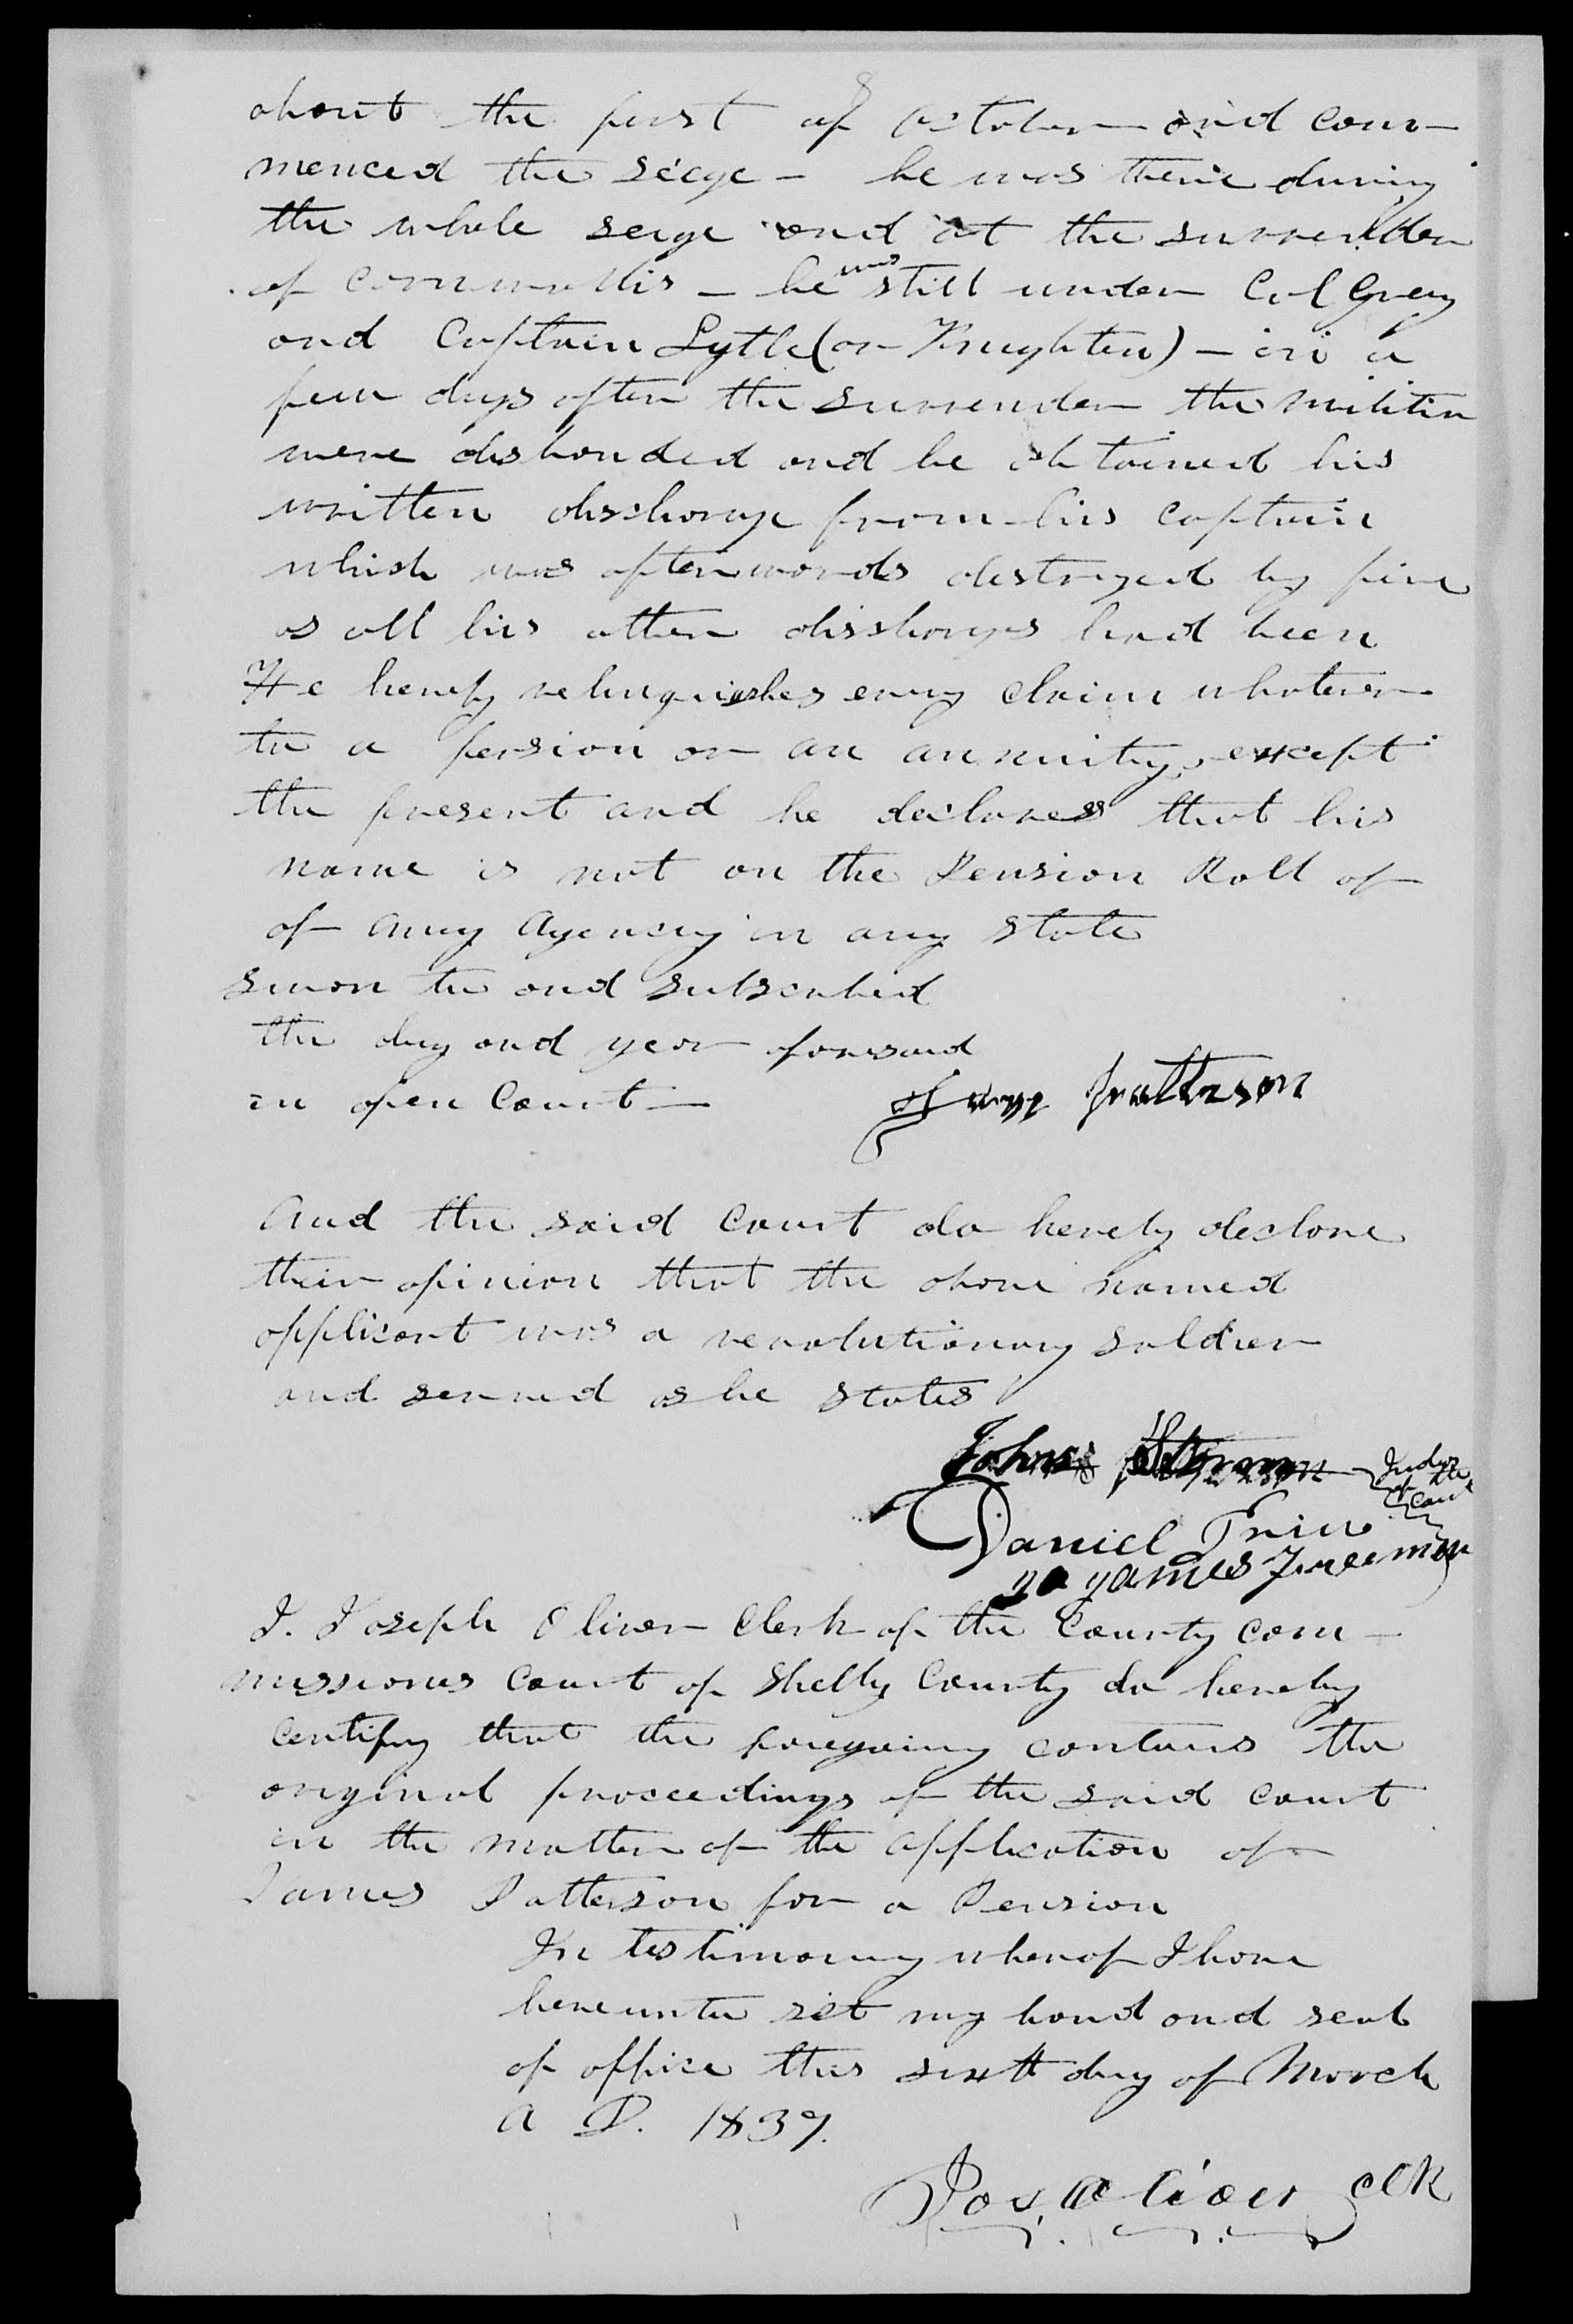about the first of October and Commenced the siege - he was there during the whole siege and at the surrender of Cornwallis - he was still under Col Gray and Captain Lytle (or Knighten) - in a few days after the surrender the militia were disbanded and he obtained his written discharge from his captain which was afterwards destroyed by fire as all his other discharges had been. He hereby relinquishes every claim whatever to a pension or an annuity except the present and he declares that his name is not on the Pension Roll of of any Agency in any state
Sworn to and subscribed the day and year aforesaid in open Court.
James Prattson 

And the said Court do hereby declare their opinion that the above named applicant was a revolutionary soldier and served as he states 
[the following is smudged and mostly illegible
John Storms       }
Daniel Price        } Judges of the court
James Freeman }

I. Joseph Oliver Clerk of the County commissions Court of Shelby County do hereby certify that the foregoing contains the original proceedings of the said Court in the matter of the application of James Patterson for a Pension 
In testimony whereof I have hereunto set my hand and seal of office this sixth day of March A D. 1837. [illegible Jos. Alioer Clk]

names: [BLANK] Lytle; John Storms; Daniel Price; James Freeman; Joseph Oliver; [BLANK] Gray; [BLANK] Knighten; [BLANK] Cornwallis; James Patterson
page: 22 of 69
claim: widow's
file: W. 10861, for James Patterson, North Carolina